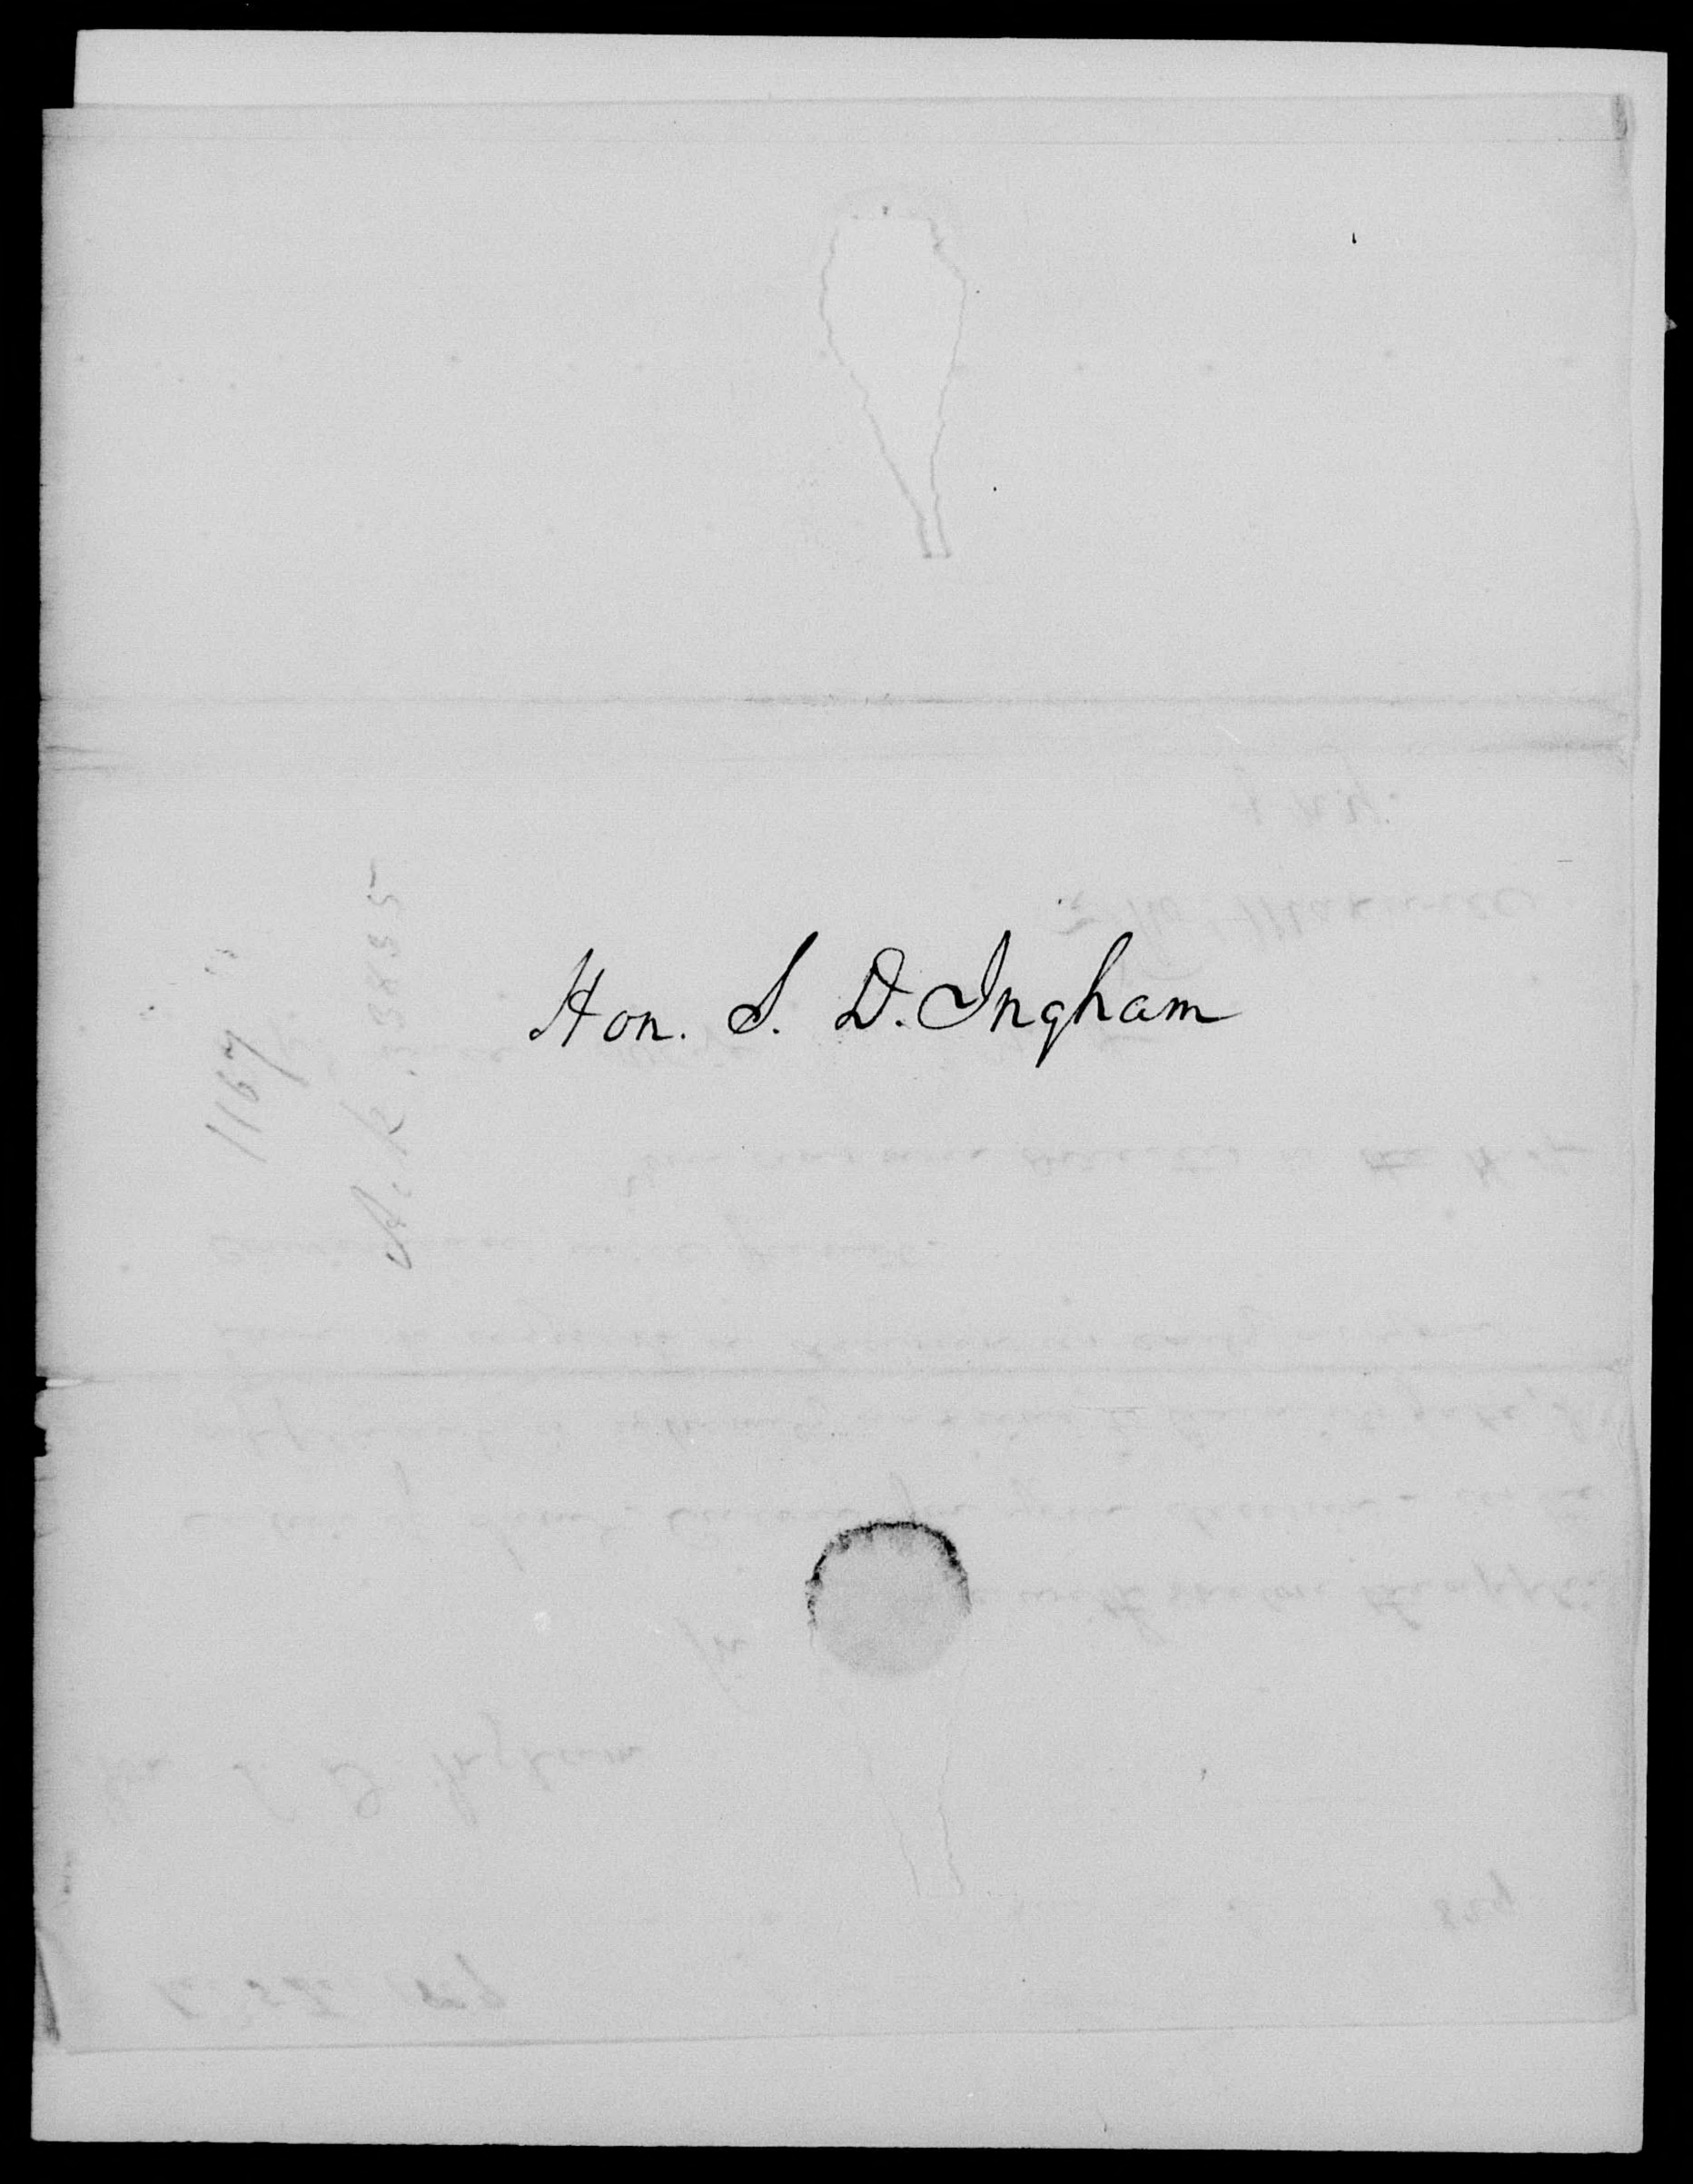1167

Ack. B 3885

Hon S.D. Ingham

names: S D Ingham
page: 23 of 40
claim: rejected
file: R. 1,570, Samuel Culver, New Jersey